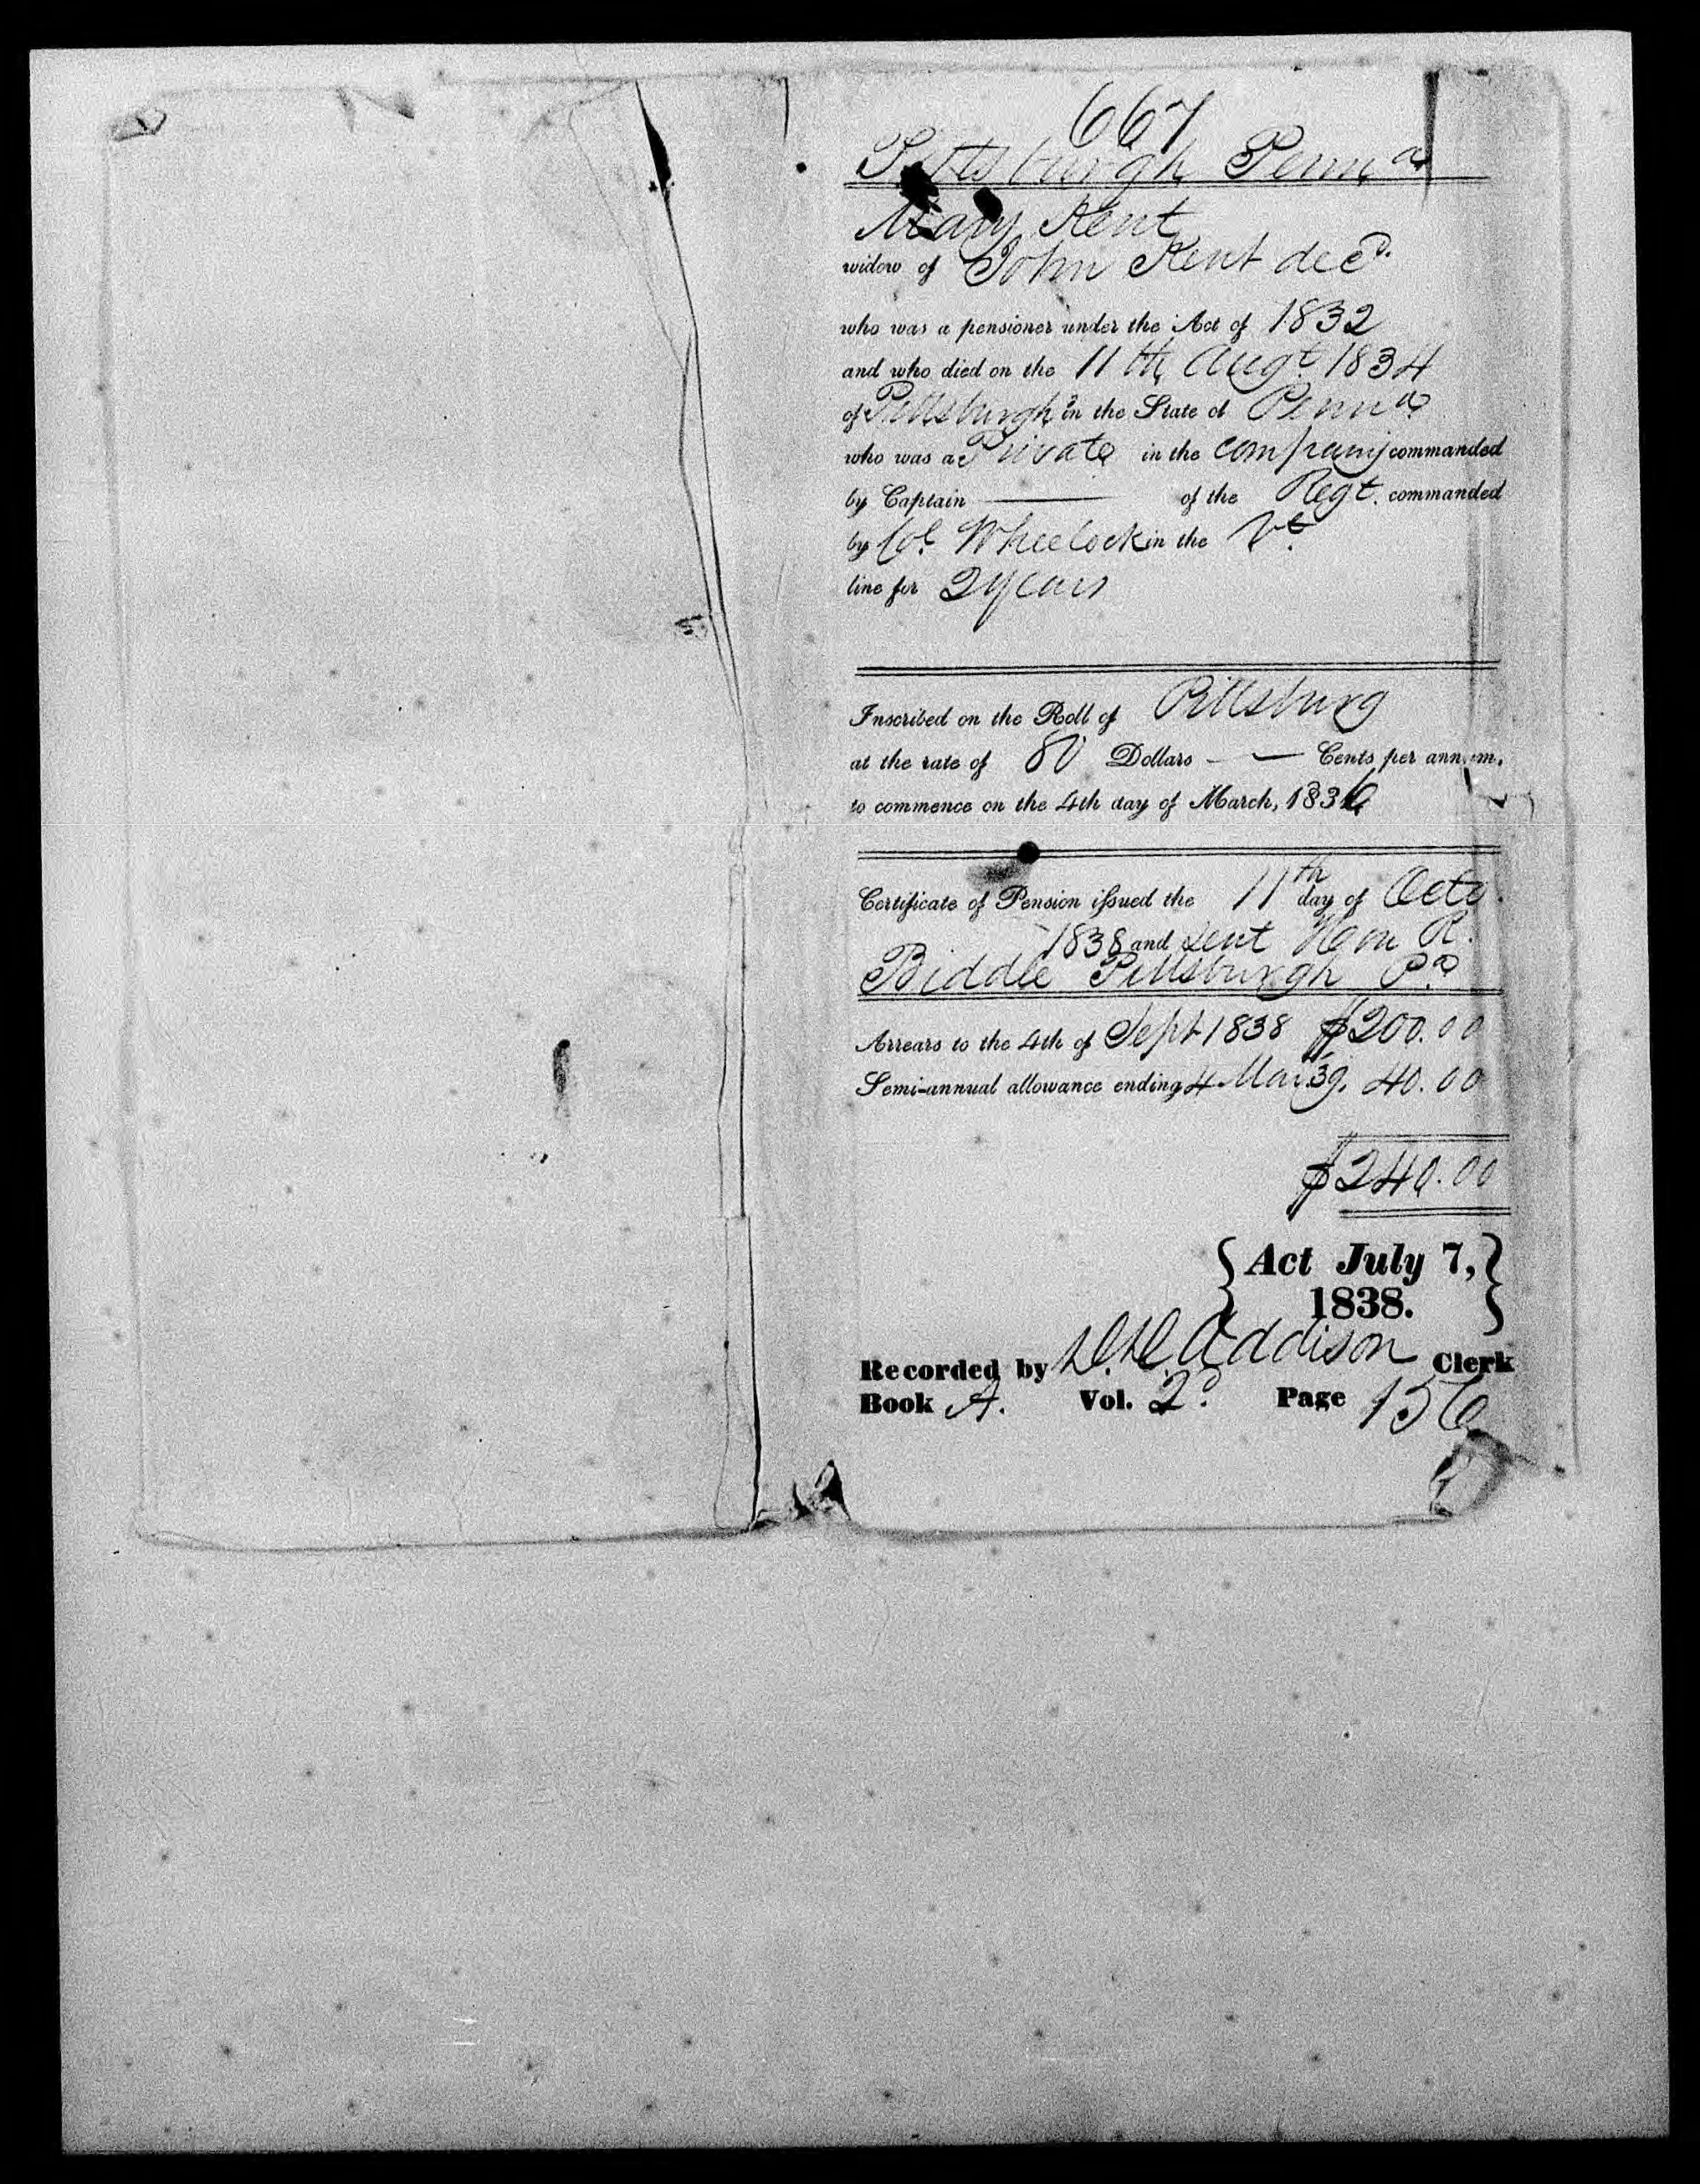667
Pittsburgh Penna
===
Mary Kent 
widow of John Kent decd.
who was a pensioner under the Act of 1832
and who died on the 11th, Augt. 1834
of Pittsburgh in the State of Penna.
who was a private in the company commanded
by Captain ___ of the Regt. commanded
by Col. Wheelock in the Vt.
line for 2 years
===
Inscribed on the Roll of Pittsburg
at the rate of 80 Dollars -- Cents per annum,
to commence on the 4th day of March, 1834
===
Certificate of Pension ifsued the 11th day of Octo.
1838 and sent
Hon R. Biddle Pittsburgh Pa.
===
Arrears to the 4th of Sept 1838 $200.00
Semi-annual allowance ending 4 Mar 39, 40.00
===
$240.00
===
{Act July 7, 1838.}

Recorded by D. D. Addison Clerk
Book A. Vol. 2@. Page 156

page: 37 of 50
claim: widow's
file: W. 4253, for John Kent, Vermont